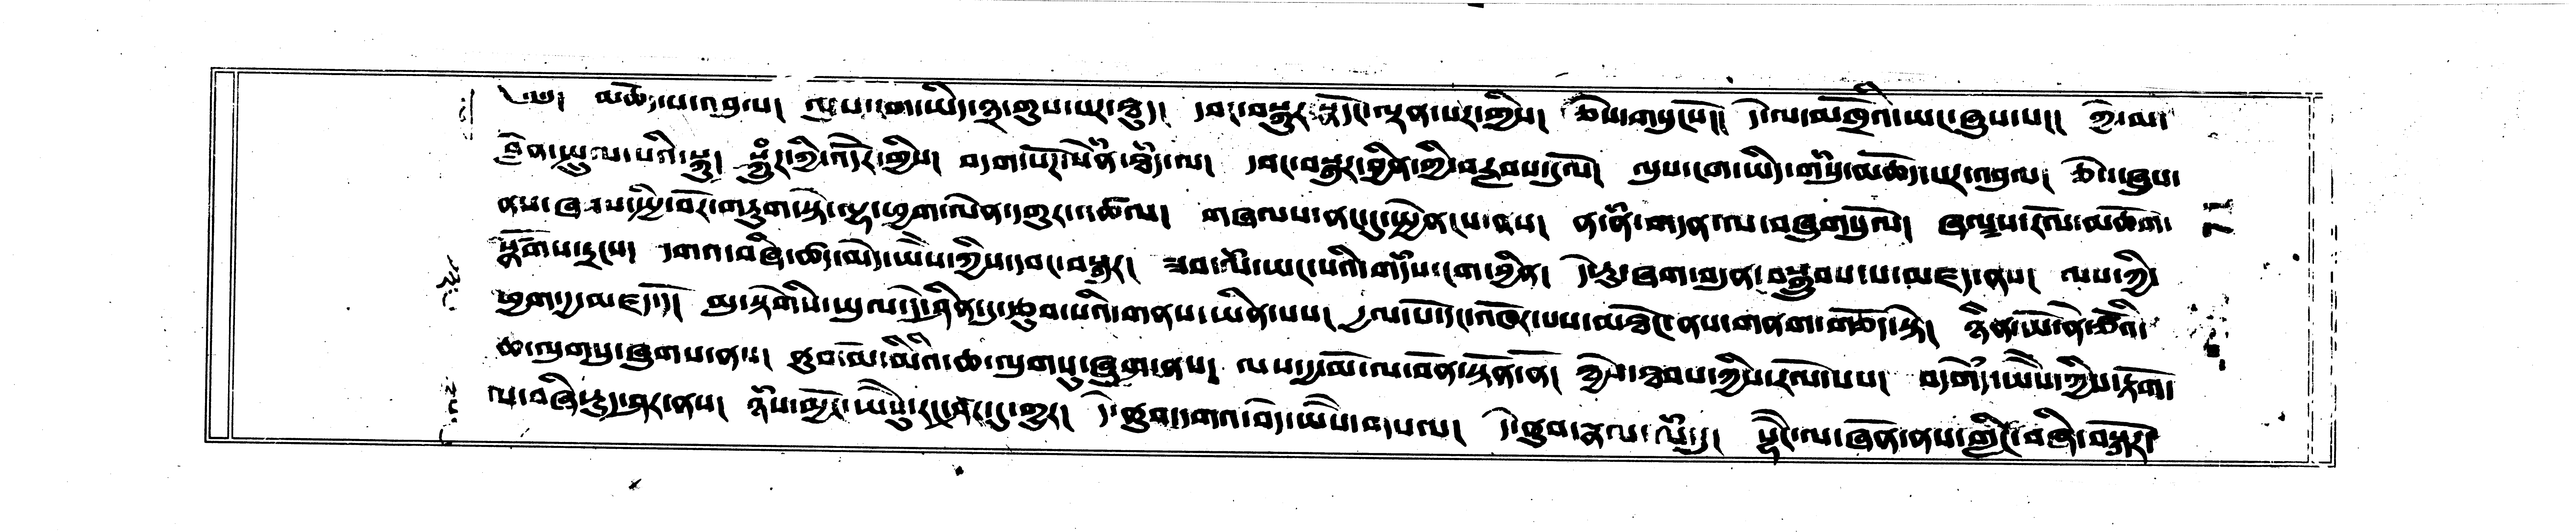མཆོད་པ་འབུལ། ལུས་ངག་ཡིད་གསུམ་གུས་པར་ཐུད། དབང་སྐུར་སྣོད་དང་ལྡན་པར་གྱིས། ཅེས་གསུངས་སོ། །དེ་ལ་མཁའ་འགྲོས་ཞུས་པ། ཀྱེ་མ་
བླ་ཆེན་སྤྲུལ་པའི་སྐུ། སྐུ་གསུང་ཐུགས་ཀྱི་འོད་ཟེར་གྱིས། བདག་སོགས་སེམས་ཅན་ཐམས་ཅད་ལ། དབང་སྐུར་བྱིན་གྱིས་བརླབ་ཏུ་གསོལ། ལུས་ངག་ཡིད་གསུམ་མཆོད་པ་འབུལ། ཅེས་ཞུས་
ནས་ཞབས་སྤྱི་བོར་གཏུགས་ཏེ་ལྷ་ཕྱག་ལན་དགུར་བཙལ། གཞལ་ཡས་ནང་དུ་སྤྱན་དྲངས་ནས། ན་ནམ་གདན་ལ་བཞུགས་སུ་གསོལ། ཞལ་ཟས་རོ་མཆོག་
སྣ་ཚོགས་དྲངས། དགའ་བདེ་ཚད་མེད་ཡེ་ཤེས་ཀྱི་དབང་བསྐུར། ཟབ་ལམ་ཡངས་པའི་གདམས་ངག་བྱིན། དེ་རུ་ཞག་བདུན་སྒྲུབ་པ་མཛད་ནས། ལས་ཀྱི་
ཕྱག་རྒྱ་མཛད་དོ། མུ་སྟེགས་ཀྱི་ཡུལ་དེ་ཤིན་ཏུ་རྩུབ་པའི་གནས་ཡིན་པས། རྒྱལ་པོ་དང་འཁོར་པས་མཐོང་ནས་གནག་གཅོད་དེ། ཉིན་མོ་ནེ་ཙོའི་
ལུགས་སུ་ཞུགས་ནས། ལས་རྒྱ་མོ་ལ་བོན་སྟོན་ནོ། ཐུགས་རྗེ་ཐབས་ཀྱི་རོལ་པ་ལས། བདག་མེད་ཡེ་ཤེས་ཀྱི་རྟོག་
པ་བཞི་རུ་ཤར་ནས། ཉམས་མྱོང་ཡེ་ཤེས་སུ་རང་ཤར་གྱུར། དེ་ནུབ་དགའ་བདེ་ཡེ་ཤེས་གསལ། དེ་ནུབ་མནལ་ལམ་དུ། སེང་གེ་ལ་ཞོན་ནས་གླེང་བཞི་བསྐོར།